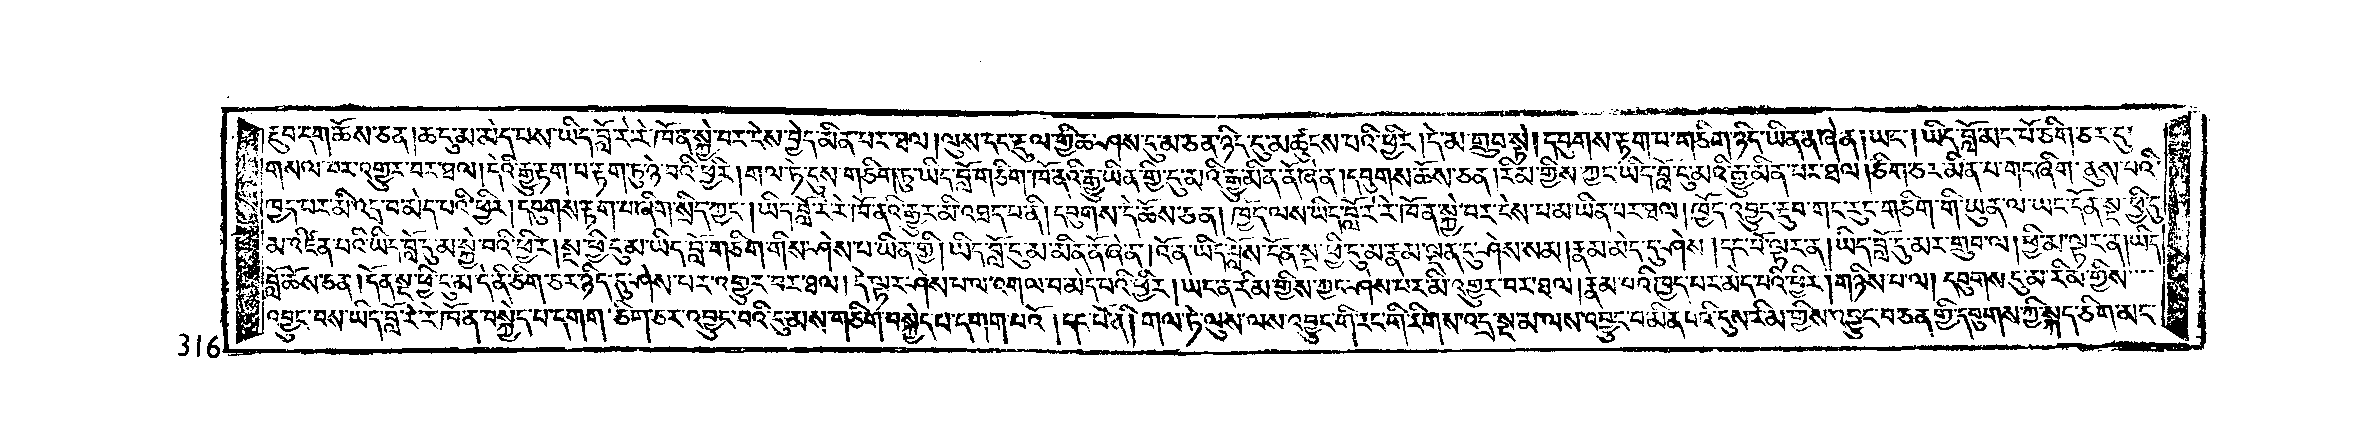རྡུབ་དག་ཆོས་ཅན། ཆ་དུ་མ་མེད་པས་ཡིད་བློ་རེ་རེ་ཁོ་ན་སྐྱེ་བར་ངེས་བྱེད་མིན་པར་ཐལ། ལུས་དང་རྡུལ་གྱི་ཆ་ཤས་དུ་མ་ཅན་ཉིད་དུ་མཚུངས་པའི་ཕྱིར། དེ་མ་གྲུབ་སྟེ། དབུགས་རྟག་པ་གཅིག་ཉིད་ཡིན་ན་ཞེ་ན། ཡང་། ཡིད་བློ་མང་པོ་ཅིག་ཅར་དུ་
གསལ་བར་འགྱུར་བར་ཐལ། དེའི་རྒྱུ་རྟག་པ་རྟག་ཏུ་ཉེ་བའི་ཕྱིར། གལ་ཏེ་དུས་གཅིག་ཏུ་ཡིད་བློ་གཅིག་ཁོ་ནའི་རྒྱུ་ཡིན་གྱི་དུ་མའི་རྒྱུ་མིན་ནོ་ཞེ་ན། དབུགས་ཆོས་ཅན། རིམ་གྱིས་ཀྱང་ཡིད་བློ་བུ་མའི་རྒྱུ་མིན་པར་ཐལ། ཅིག་ཅར་མིན་པ་གང་ཞིག་ནུས་པའི་
ཁྱད་པར་མི་འདྲ་བ་མེད་པའི་ཕྱིར། དབུགས་རྟག་པ་ཞིག་སྲིད་ཀྱང་། ཡིད་བློ་རེ་རེ་ཁོ་ནའི་རྒྱུར་མི་འཐད་པ་ནི། དབུགས་དེ་ཆོས་ཅན། ཁྱོད་ལས་ཡིད་བློ་རེ་རེ་ཁོ་ན་སྐྱེ་བར་ངེས་པ་མ་ཡིན་པར་ཐལ། ཁྱོད་འབྱུང་རྡུབ་གང་རུང་གཅིག་གི་ཡུན་ལ་ཡང་དོན་སྔ་ཕྱི་དུ་
མ་འཛིན་པའི་ཡིད་བློ་དུ་མ་སྐྱེ་བའི་ཕྱིར། སྔ་ཕྱི་དུ་མ་ཡིད་བློ་གཅིག་གིས་ཤེས་པ་ཡིན་གྱི། ཡིད་བློ་དུ་མ་མིན་ནོ་ཞེ་ན། འོ་ན་ཡིད་བློས་དོན་སྔ་ཕྱི་དུ་མ་རྣམ་ལྡན་དུ་ཤེས་སམ། རྣམ་མེད་དུ་ཤེས། དང་པོ་ལྟར་ན། ཡིད་བློ་དུ་མར་གྲུབ་ལ། ཕྱི་མ་ལྟར་ན། ཡིད་
བློ་ཆོས་ཅན། དོན་སྔ་ཕྱི་དུ་མ་དེ་ནི་ཅིག་ཅར་ཉིད་དུ་ཤེས་པར་འགྱུར་བར་ཐལ། དེ་ལྟར་ཤེས་པ་ལ་འགལ་བ་མེད་པའི་ཕྱིར། ཡང་ན་རིམ་གྱིས་ཀྱང་ཤེས་པར་མི་འགྱུར་བར་ཐལ། རྣམ་པའི་ཁྱད་པར་མེད་པའི་ཕྱིར། གཉིས་པ་ལ། དབུགས་དུ་མ་རིམ་གྱིས་
འབྱུང་བས་ཡིད་བློ་རེ་རེ་ཁོ་ན་བསྐྱེད་པ་དགག་ཅིག་ཅར་འབྱུང་བའི་དུ་མས་གཅིག་བསྐྱེད་པ་དགག་པའོ། དང་པོ་ནི། གལ་ཏེ་ལུས་ལས་འབྱུང་གི་རང་གི་རིགས་འདྲ་སྔ་མ་ལས་འབྱུང་བ་མིན་པའི་དུས་རིམ་གྱིས་འབྱུང་བ་ཅན་གྱི་དབུགས་ཀྱི་སྐད་ཅིག་མང་